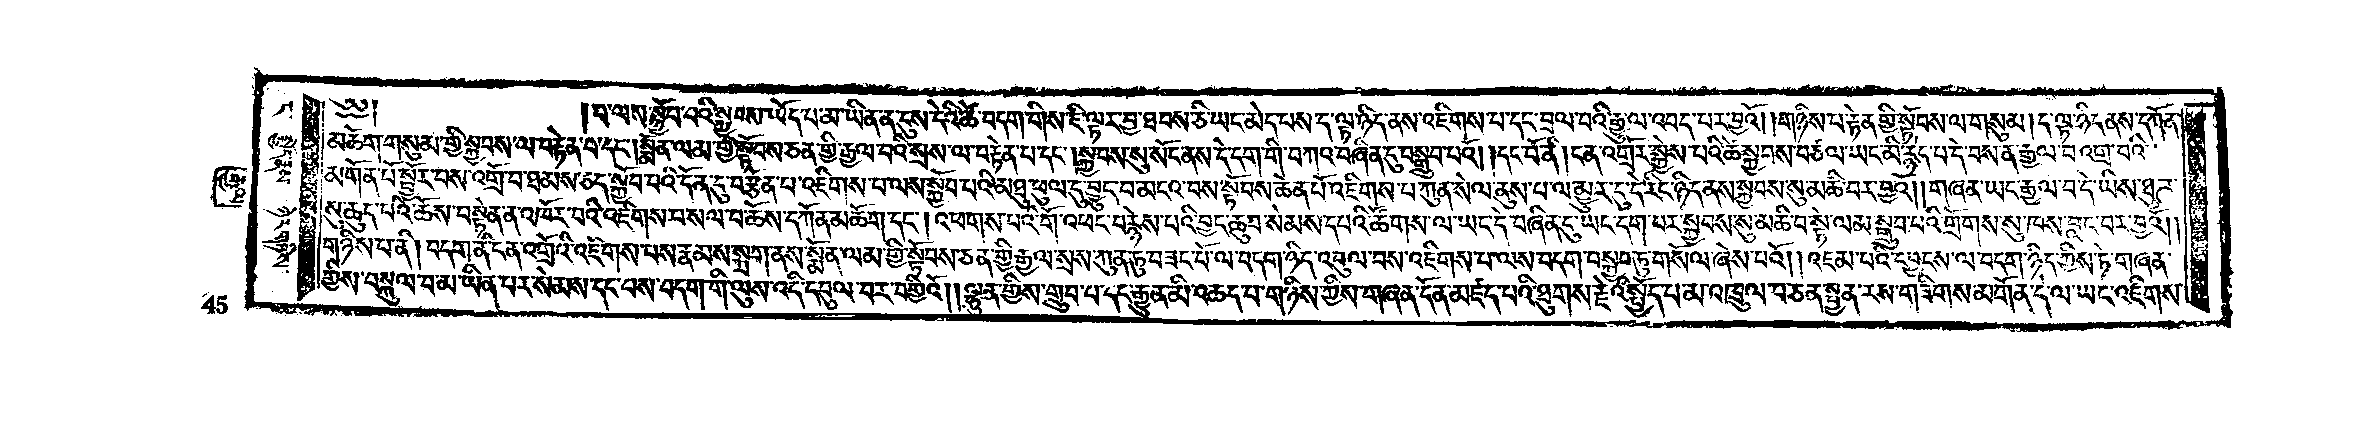༄༅། །བ་ལས་སྐྱོབ་པའི་སྐྱབས་ཡོད་པ་མ་ཡིན་ན་དུས་དེའི་ཚེ་བདག་གིས་ཇི་ལྟར་བྱ་ཐབས་ཅི་ཡང་མེད་པས་དེ་ལྟ་ཉིད་ནས་འཇིགས་པ་དང་བྲལ་བའི་རྒྱུ་ལ་འབད་པར་བྱའོ། །གཉིས་པ་རྟེན་གྱི་སྟོབས་ལ་གསུམ། དེ་ལྟ་ཉིད་ནས་དཀོན་
མཆོག་གསུམ་གྱི་སྐྱབས་ལ་བརྟེན་པ་དང་། སྨོན་ལམ་གྱི་སྟོབས་ཅན་གྱི་རྒྱལ་བའི་སྲས་ལ་བརྟེན་པ་དང་། སྐྱབས་སུ་སོང་ནས་དེ་དག་གི་བཀའ་བཞིན་དུ་བསྒྲུབ་པའོ། །དང་པོ་ནི། ངན་འགྲོར་སྐྱེས་པའི་ཚེ་སྐྱབས་བཙལ་ཡང་མི་རྙེད་པ་དེ་བས་ན་རྒྱལ་བ་འགྲོ་བའི་
མགོན་པོ་སྦྱོར་བས་འགྲོ་བ་ཐམས་ཅད་སྐྱོབ་པའི་དོན་དུ་བརྩོན་པ་འཇིགས་པ་ལས་སྐྱོབ་པའི་མཐུ་ཕུལ་དུ་བྱུང་བ་མངའ་བས་སྟོབས་ཆེན་པོ་འཇིགས་པ་ཀུན་སེལ་ནུས་པ་ལ་མྱུར་དུ་དེ་རིང་ཉིད་ནས་སྐྱབས་སུ་མཆི་བར་བྱའོ། །གཞན་ཡང་རྒྱལ་བ་དེ་ཡིས་ཐུགས་
སུ་ཆུད་པའི་ཆོས་བསྟེན་ན་འཁོར་བའི་འཇིགས་པ་སེལ་བ་ཆོས་དཀོན་མཆོག་དང་། འཕགས་པའི་གོ་འཕང་བརྙེས་པའི་བྱང་ཆུབ་སེམས་དཔའི་ཚོགས་ལ་ཡང་དེ་བཞིན་དུ་ཡང་དག་པར་སྐྱབས་སུ་མཆི་བ་སྟེ་ལམ་སྒྲུབ་པའི་གྲོགས་སུ་ཁས་བླང་བར་བྱའོ། །
གཉིས་པ་ནི། བདག་ནི་ངན་འགྲོའི་འཇིགས་པས་རྣམས་སྐྲག་ནས་སྨོན་ལམ་གྱི་སྟོབས་ཅན་གྱི་རྒྱལ་སྲས་ཀུན་ཏུ་བཟང་པོ་ལ་བདག་ཉིད་འབུལ་བས་འཇིགས་པ་ལས་བདག་བསྐྱབ་ཏུ་གསོལ་ཞེས་པའོ། །འཇམ་པའི་དབྱངས་ལ་བདག་ཉིད་ཀྱིས་ཏེ་གཞན་
གྱིས་བསྐུལ་བ་མ་ཡིན་པར་སེམས་དང་བས་བདག་གི་ལུས་འདི་དབུལ་བར་བགྱིའོ། །ལྷུན་གྱིས་གྲུབ་པ་དང་རྒྱུན་མི་འཆད་པ་གཉིས་ཀྱིས་གཞན་དོན་མཛད་པའི་ཐུགས་རྗེའི་སྤྱོད་པ་མ་འཁྲུལ་བ་ཅན་སྤྱན་རས་གཟིགས་མགོན་དེ་ལ་ཡང་འཇིགས་